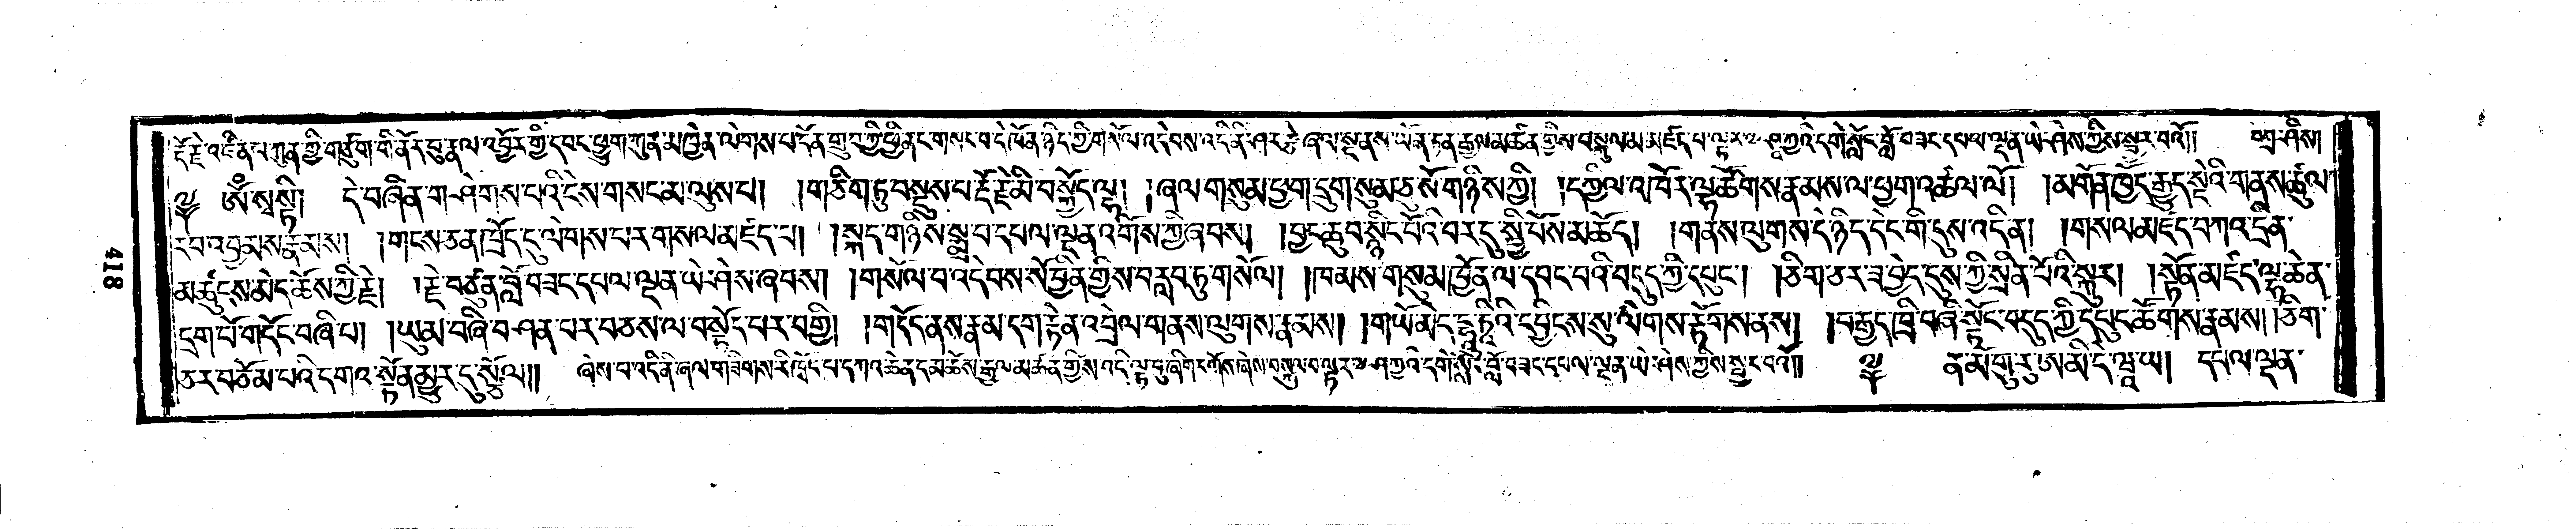རྡོ་རྗེ་འཛིན་པ་ཀུན་གྱི་གཙུག་གི་ནོར་བུ་རྣལ་འབྱོར་གྱི་དབང་ཕྱུག་ཀུན་མཁྱེན་ལེགས་པ་དོན་གྲུབ་ཀྱི་ཕྱི་ནང་གསང་བ་དེ་ཁོ་ན་ཉིད་ཀྱི་གསོལ་འདེབས་འདི་ནི་ཤར་རྩེ་ཞལ་སྔ་ནས་ཡོན་ཏན་རྒྱལ་མཚན་གྱིས་བསྐུལ་མ་མཛད་པ་ལྟར་༧་ཤཱཀྱའི་དགེ་སློང་བློ་བཟང་དཔལ་ལྡན་ཡེ་ཤེས་ཀྱིས་སྦྱར་བའོ།། བཀྲ་ཤིས།
༈ ཨོཾ་སྭ་སྟི། དེ་བཞིན་གཤེགས་པའི་ངེས་གསང་མ་ལུས་པ། །གཅིག་ཏུ་བསྡུས་པ་རྡོ་རྗེ་མི་བསྐྱོད་ལྷ། །ཞལ་གསུམ་ཕྱག་དྲུག་སུམ་ཅུ་སོ་གཉིས་ཀྱི། །དཀྱིལ་འཁོར་ལྷ་ཚོགས་རྣམས་ལ་ཕྱག་འཚལ་ལོ། །མགོན་ཁྱོད་རྒྱུད་སྡེའི་གནས་ཚུལ་
རབ་འབྱམས་རྣམས། །གངས་ཅན་ཁྲོད་དུ་ལེགས་པར་གསལ་མཛད་པ། །སྐད་གཉིས་སྨྲ་བ་དཔལ་ལྡན་འགོས་ཀྱི་ཞབས། །བྱང་ཆུབ་སྙིང་པོའི་བར་དུ་སྦྱི་པོས་མཆོད། །གནས་ལུགས་དེ་ཉིད་དེང་གི་དུས་འདི་ན། །གསལ་མཛད་བཀའ་དྲིན་
མཚུངས་མེད་ཆོས་ཀྱི་རྗེ། །རྗེ་བཙུན་བློ་བཟང་དཔལ་ལྡན་ཡེ་ཤེས་ཞབས། །གསོལ་བ་འདེབས་སོ་བྱིན་གྱིས་བརླབ་ཏུ་གསོལ། །ཁམས་གསུམ་ཁྱོན་ལ་དབང་བའི་བདུད་ཀྱི་དཔུང་། །ཅིག་ཅར་ཟ་བྱེད་དུས་ཀྱི་སྲིན་པོའི་སྐུར། །སྟོན་མཛད་ལྷ་ཆེན་
དྲག་པོ་གདོང་བཞི་པ། །ཡུམ་བཞི་བཤན་པར་བཅས་ལ་བསྟོད་པར་བགྱི། །གདོད་ནས་རྣམ་དག་རྟེན་འབྲེལ་གནས་ལུགས་རྣམས། །གཡོ་མེད་དྷཱུ་ཏཱིའི་དབྱིངས་སུ་ལེགས་རྟོགས་ནས། །བརྒྱད་ཁྲི་བཞི་སྟོང་བདུད་ཀྱི་དཔུང་ཚོགས་རྣམས། །ཅིག་
ཅར་བཅོམ་པའི་དགའ་སྟོན་མྱུར་དུ་སྩོལ།། ཞེས་པ་འདི་ནི་ཞལ་གཟིགས་རི་ཁྲོད་པ་དཀའ་ཆེན་དམ་ཆོས་རྒྱལ་མཚན་གྱིས་འདི་ལྟ་བུ་ཞིག་དགོས་ཞེས་བསྐུལ་བ་ལྟར་༧་ཤཱཀྱའི་དགེ་སློང་བློ་བཟང་དཔལ་ལྡན་ཡེ་ཤེས་ཀྱིས་སྦྱར་བྱའོ།། ༈ ན་མོ་གུ་རུ་ཨ་མི་དེ་ཝཱ་ཡ། དཔལ་ལྡན་